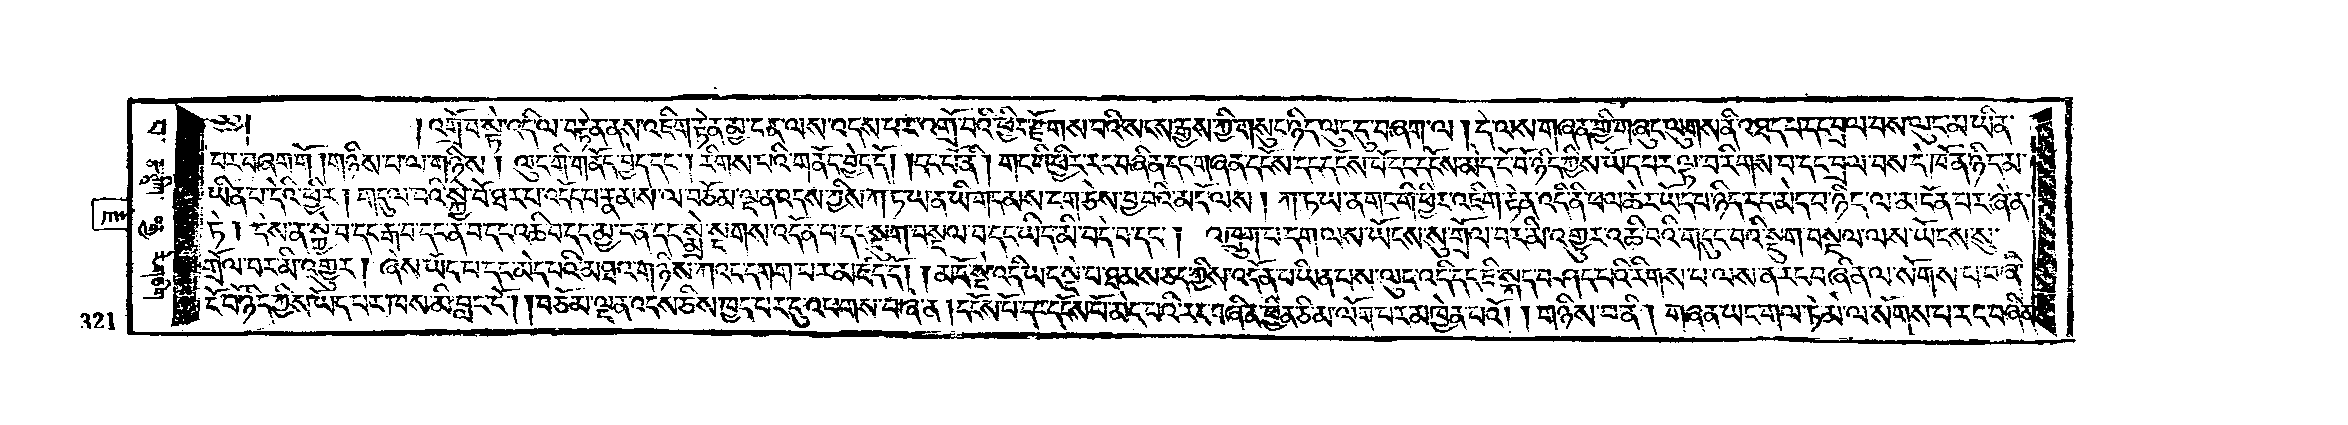༄༅། །འགྲོ་བ་སྟེ་འདི་ལ་བརྟེན་ནས་འཇིག་རྟེན་མྱ་ངན་ལས་འདས་པར་འགྲོ་བའི་ཕྱིར་རྫོགས་པའི་སངས་རྒྱས་ཀྱི་གསུང་ཉིད་ལུང་དུ་བཞག་ལ། ད་ལས་གཞན་གྱི་གཞུང་ལུགས་ནི་འཐད་པ་དང་བྲལ་བས་ལུང་མ་ཡིན་
པར་བཞག་གོ། གཉིས་པ་ལ་གཉིས། ལུང་གི་གནོད་བྱེད་དང་། རིགས་པའི་གནོད་བྱེད་དོ། །དང་པོ་ནི། གང་གི་ཕྱིར་རང་བཞིན་དང་གཞན་དངོས་དང་དངོས་པོ་དང་དངོས་མེད་ངོ་བོ་ཉིད་ཀྱིས་ཡོད་པར་ལྟ་བ་རིགས་པ་དང་བྲལ་བས་དེ་ཁོ་ན་ཉིད་མ་
ཡིན་པ་དེའི་ཕྱིར། གདུལ་བའི་སྐྱེ་བོ་ཐར་པ་འདོད་པ་རྣམས་ལ་བཅོམ་ལྡན་འདས་ཀྱིས་ཀ་ཏ་ཡན་ཡི་གདམས་ངག་ཅེས་བྱ་བའི་མདོ་ལས། ཀ་ཏ་ཡ་ན་གང་གི་ཕྱིར་འཇིག་རྟེན་འདི་ནི་ཕལ་ཆེར་ཡོད་པ་ཉིད་དང་མེད་པ་ཉིད་ལ་མངོན་པར་ཞེ་ན་
ཏེ། དེས་ན་སྐྱེ་བ་དང་རྒ་བ་དང་ན་བ་དང་འཆི་བ་དང་མྱ་ངན་དང་སྨྲེ་སྔགས་འདོན་པ་དང་སྡུག་བསྔལ་བ་དང་ཡིད་མི་བདེ་བ་དང་། འཁྲུག་པ་དག་ལས་ཡོངས་སུ་གྲོལ་བར་མི་འགྱུར་འཆི་བའི་གདུང་བའི་སྡུག་བསྔལ་ལས་ཡོངས་སུ་
གྲོལ་བར་མི་འགྱུར། ཞེས་ཡོད་པ་དང་མེད་པའི་མཐའ་གཉིས་ཀའང་དགག་པར་མཛད་དོ། །མདོ་སྡེ་འདི་ཡང་སྡེ་བ་ཐམས་ཅད་ཀྱིས་འདོན་པ་ཡིན་པས་ལུང་འདི་དང་ཇི་སྐད་བཤད་པའི་རིགས་པ་ལས་ན་རང་བཞིན་ལ་སོགས་པ་བཞི་
ངོ་བོ་ཉིད་ཀྱིས་ཡོད་པར་ཁས་མི་བླང་ངོ། །བཅོམ་ལྡན་འདས་ཅིས་ཁྱད་པར་དུ་འཕགས་པ་ཞེ་ན། དངོས་པོ་དང་དངོས་པོ་མེད་པའི་རང་བཞིན་ཕྱིན་ཅི་མ་ལོག་པར་མཁྱེན་པའོ། །གཉིས་པ་ནི། གཞན་ཡང་གལ་ཏེ་མེ་ལ་སོགས་པ་རང་བཞིན་